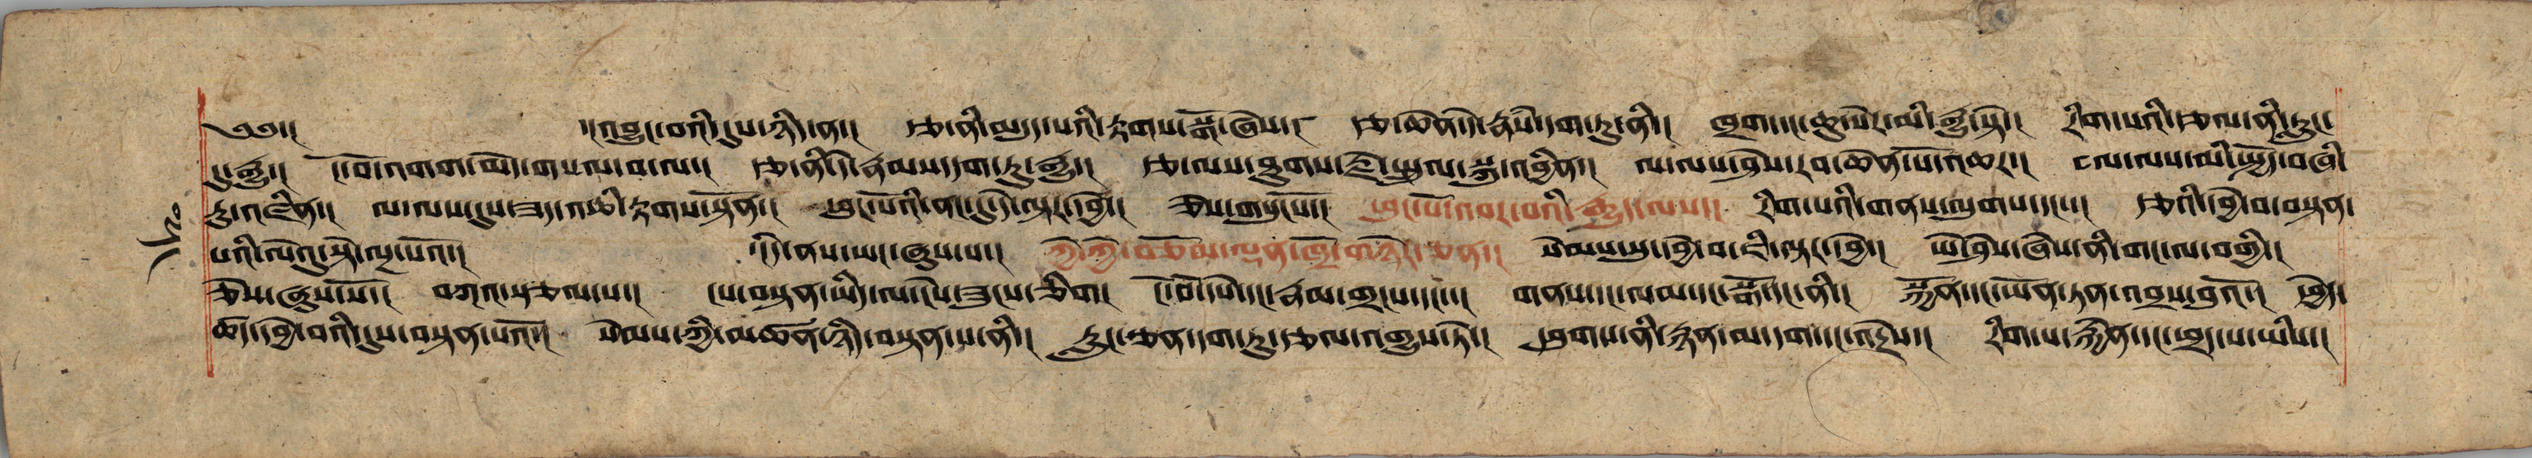༄༅་། ་།འབྱུང་བའི་དུས་ཉིད་ན་། རྩ་ནི་མདུད་པའི་རྟགས་སྒོ་ཞེས་། རྩ་ཆེན་དེ་རྣཾས་དག་ཏུ་ནི་། ཁྲག་དང་ཆུ་སེར་མི་རྒྱུ་སྟེ་། རིག་པའི་རྩལ་ནི་རླུང་
དུ་རྒྱུ་། ངོ་བོ་འགག་མེད་གསལ་བ་ལ་། རྩ་ནི་དེ་རྣམས་དག་ཏུ་རྒྱུ་། རྩ་ལས་ཐུགས་རྗེ་སྤྲུལ་སྐུ་འབྱིན་། ལ་ལས་ཤེས་རབ་ཆེན་པོ་འཆར་། བལ་ལས་མི་སྤྱོད་བཞི་
རུ་འཛིན་། ལ་ལས་དུས་ཟད་འཆི་རྟགས་སྟོན་། ཕུང་པོའི་ནང་དུ་དེ་ལྟར་དབྱེ་། ཅེས་གསུངསོ་། ཕུང་པོ་འབར་བའི་རྒྱུད་ལས་། རིག་པའི་གནས་ལུགས་དང་་། རྩའི་དབྱེ་བ་བསྟན་
པའི་ལེའུ་སྟེ་ལྔ་པའོ་། ་ ངེད་ནས་ཡང་ཞུས་པ་། ཀྱེ་ཀྱེ་བཅོམ་ལྡན་ཁྲོ་གཉེར་ཅན་། སེམས་སུ་དབྱེ་བ་ཇི་ལྟར་དབྱེ་། ཡེ་ཤེས་ཞེས་ནི་གང་ལ་བགྱི་།
ཅེས་ཞུས་སོ་། བཀའ་སྩལ་པ་། ངས་བསྟན་ཡིད་ལ་ངེས་ཟུངས་ཅིག། ངོ་བོ་དཔེ་དང་རྣམ་གྲངས་དང་། གནས་དང་ལམ་དང་སྒོ་དང་ནི་། སྐྱོན་དང་ཡོན་ཏན་འབྲས་བུའོ་། ཕྱེད་
ཚད་དབྱེ་བའི་དུས་བསྟན་པའོ་། སེམས་ཀྱི་མཚན་ཉིད་བསྟན་པ་ནི་། རླུང་ཅན་དག་ཏུ་རྩལ་འགྱུས་ཏེ་། དབུགས་ནི་རྙན་མ་དག་དང་འདྲེས་། རིག་པ་རྐྱེན་དང་ཕྲད་པ་ཡིས་།